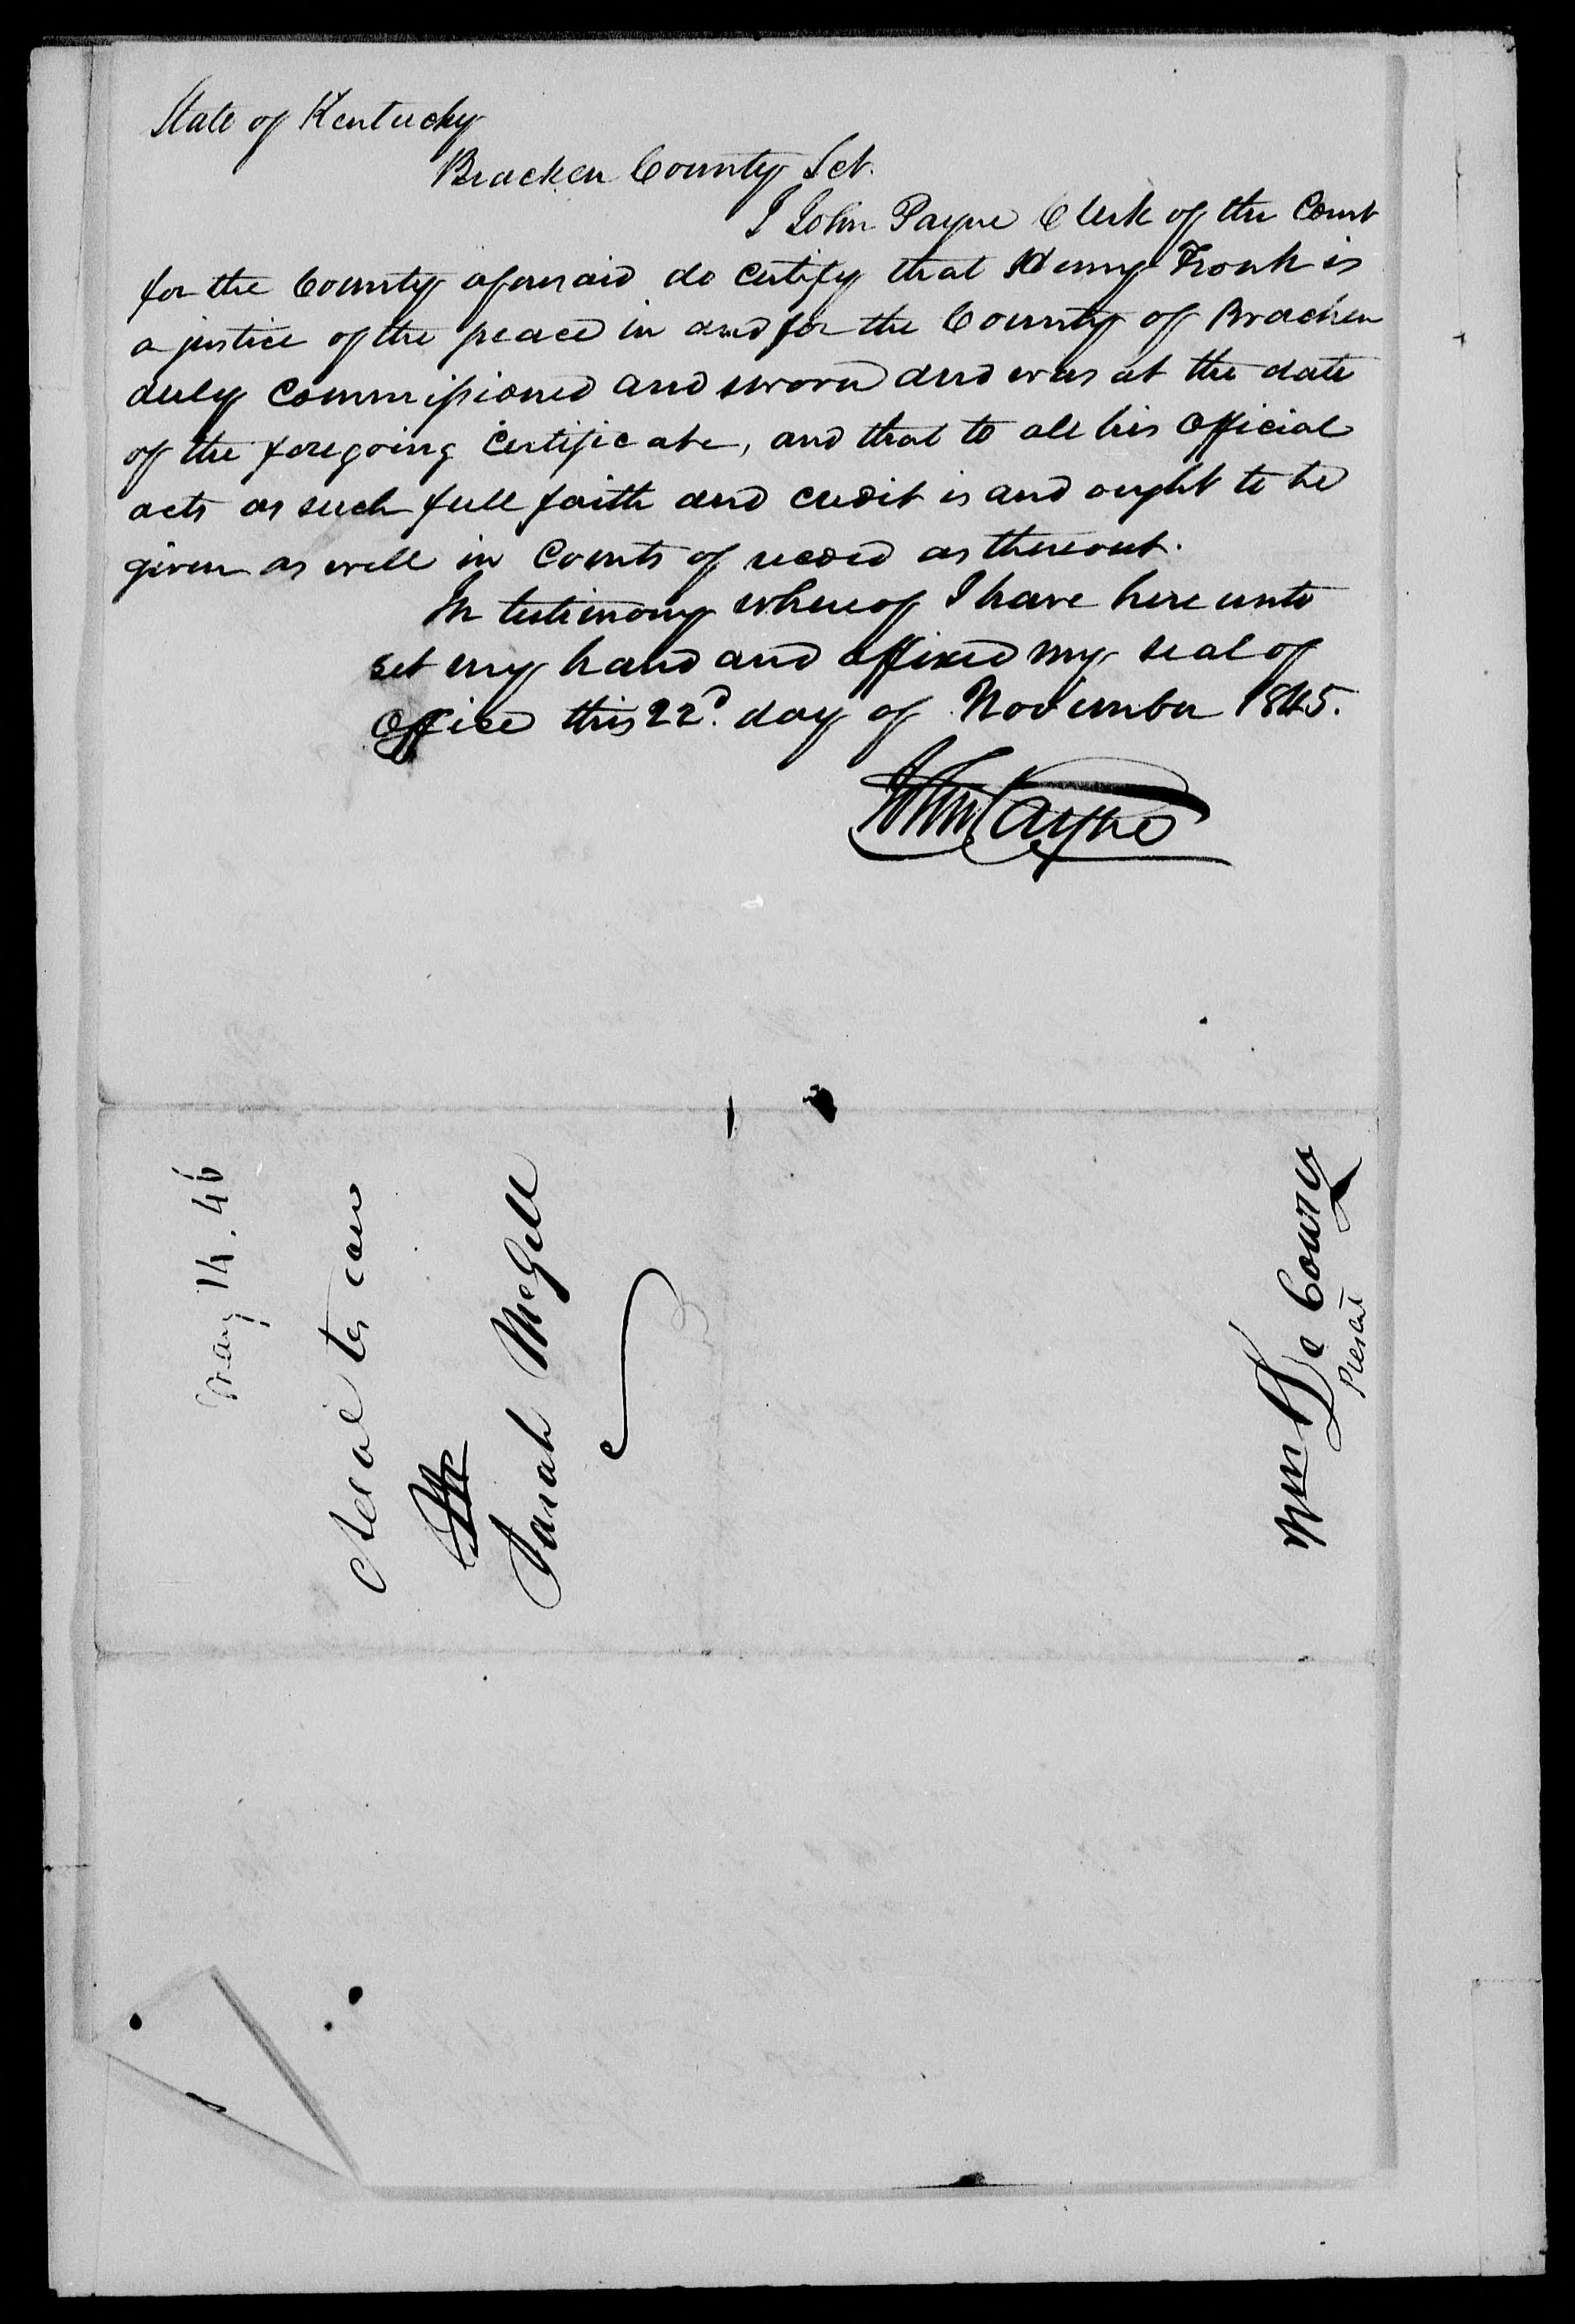Image 108  		4160873_00108               Fold3 File #23857274

State of Kentucky  Bracken County Sct
I John Payne Clerk of the court for the county aforesaid do certify that Henry Frank is a justice of the peace in and for the county of Bracken duly commissioned and sworn and was at the date of the foregoing certificate, and that to all his official acts as such full faith and credit is and ought to be given as well in courts of record as therewith. In testimony whereof I have here unto set my hand and affixed my seal of office this 22d day of November 1845.        John Payne

[Cover] May 14 '46  ___________    Sarah McGill    

Wm DeCourcy Present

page: 50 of 71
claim: widow's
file: W. 8428, for James Mc Gill, Pennsylvania